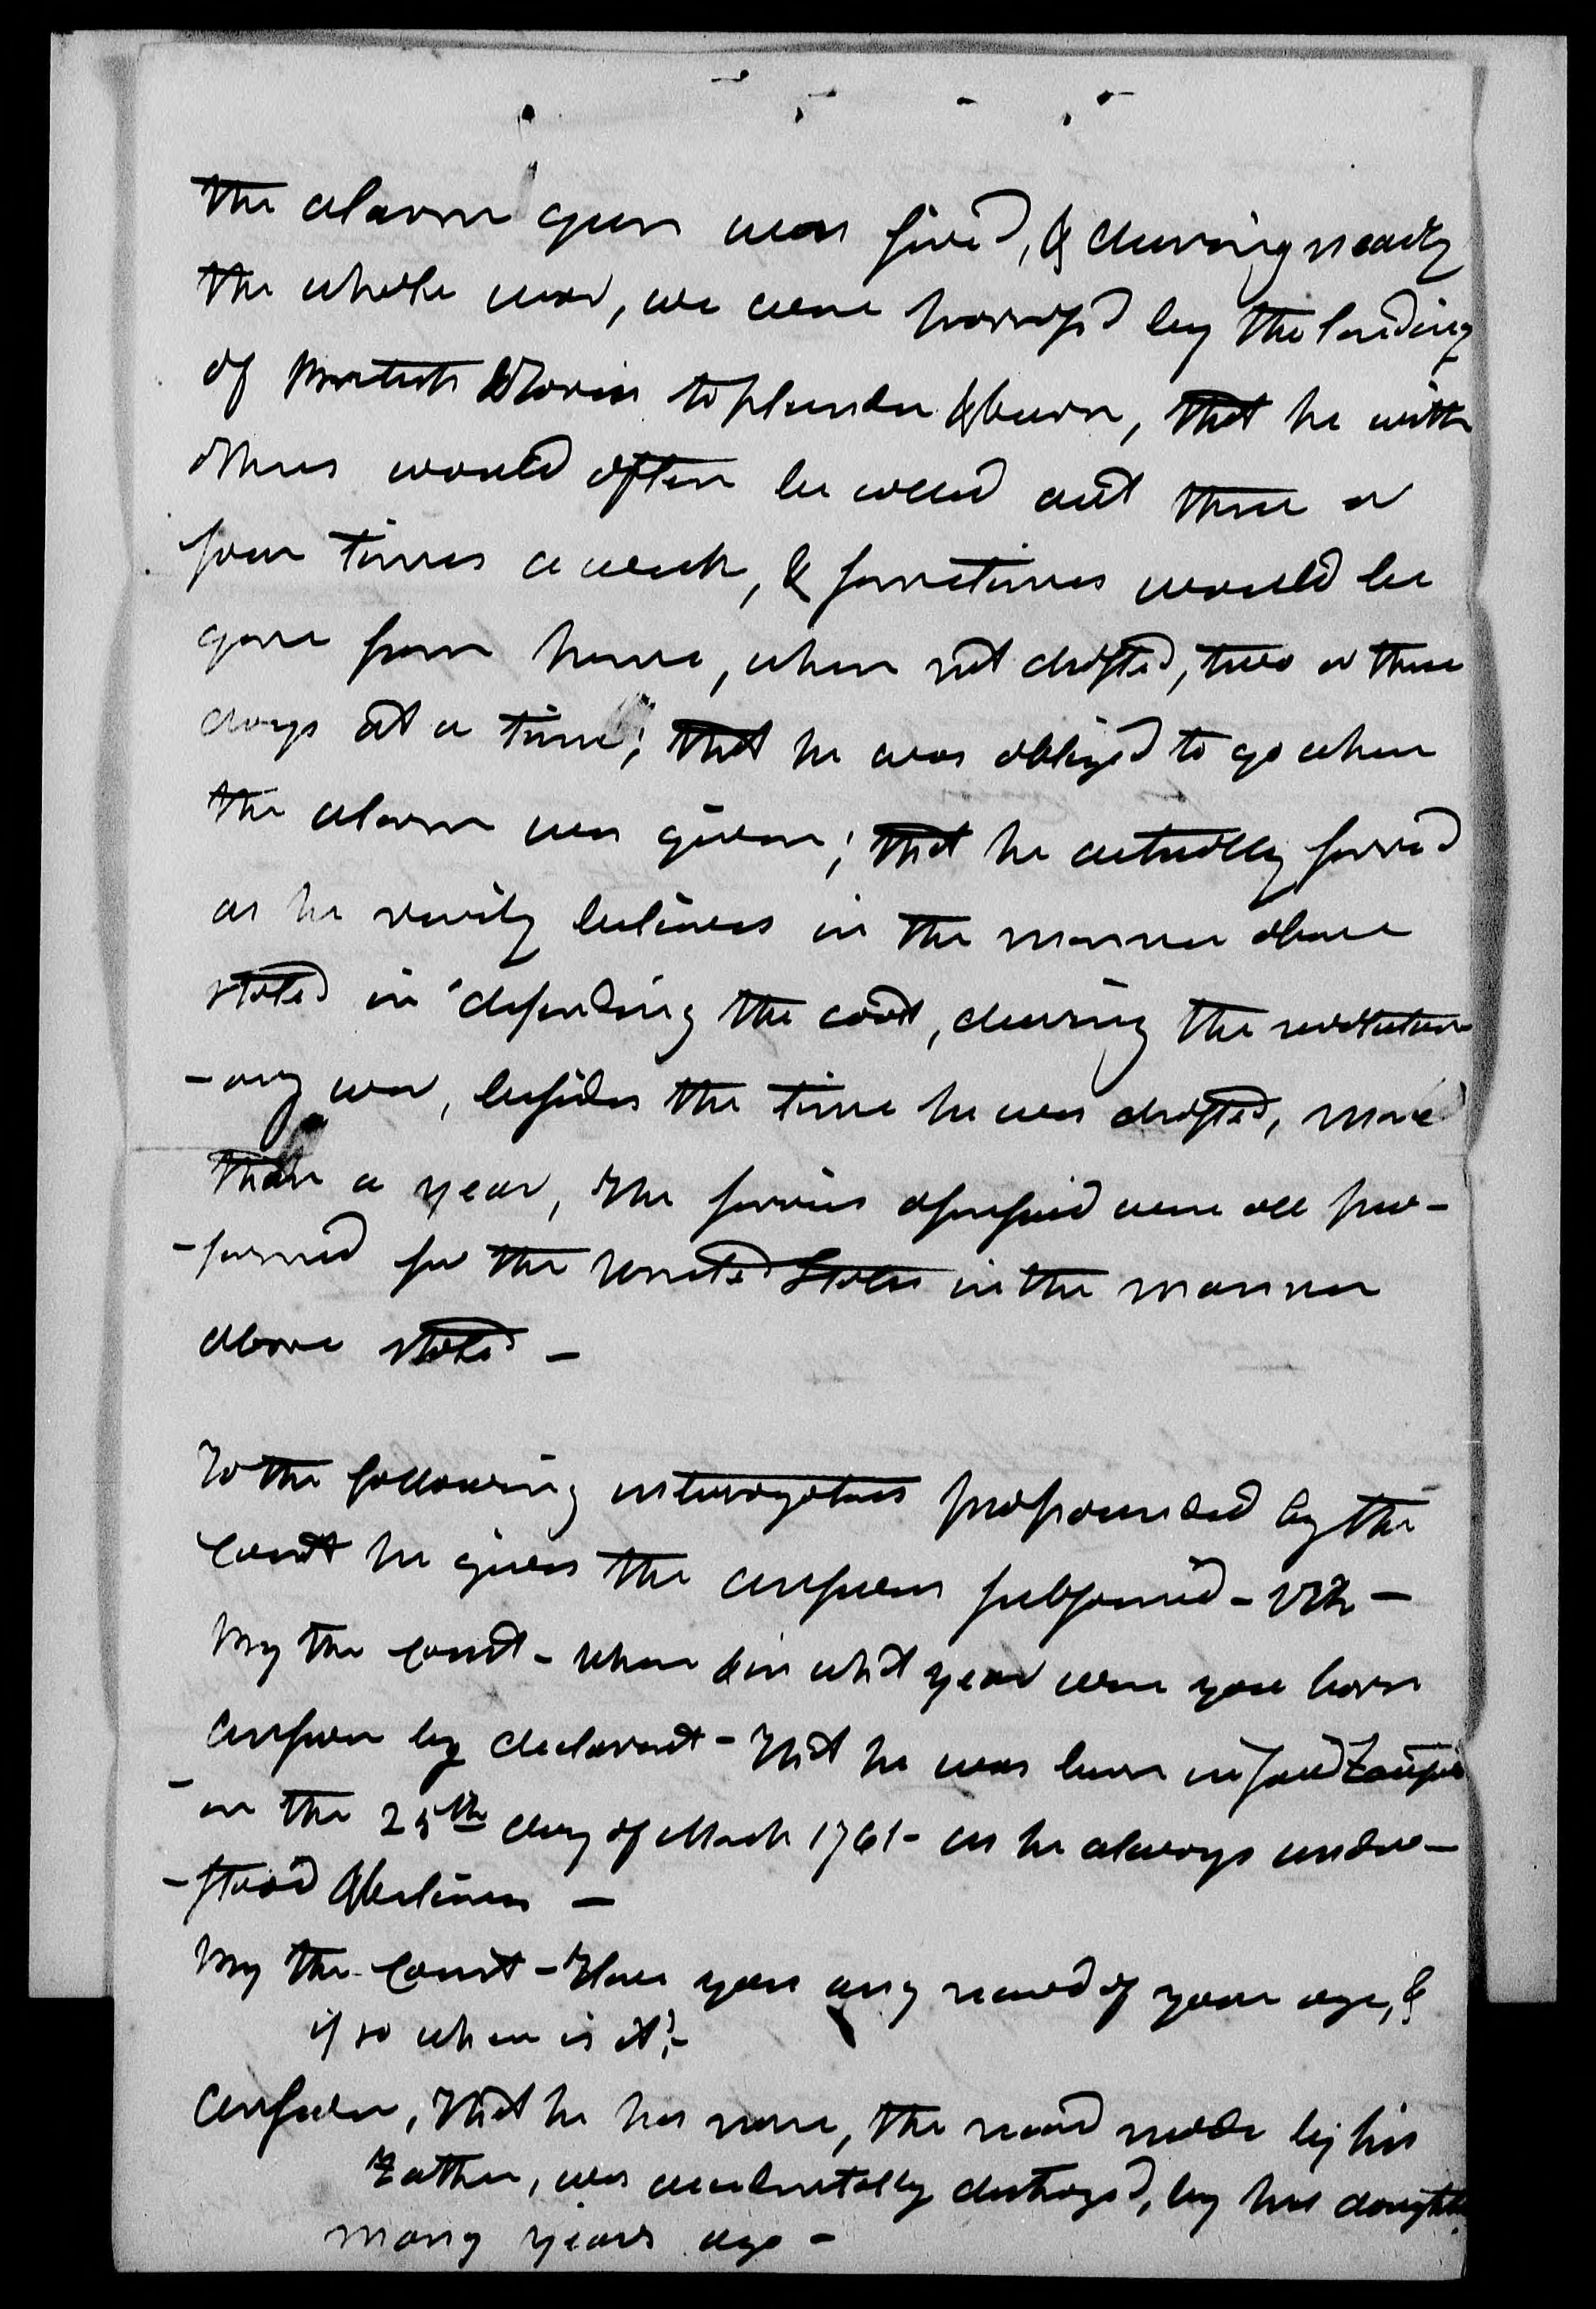the alarm gun was fired, & during nearly the whole war, we were harassed by the landing of British soldiers to plunder & burn, that with others would often be called out three or four times a week, & sometimes would be gone from home, when not drafted, two or three days at a time, that he was obliged to go when the alarm was given; that he actually served ss he verily believes in the manner above stated in "defending the coast. during the revolutionary war, decides the time he was drafted, more than a year, the service aforesaid was all performed for the United States in the manner  afsd -

To the following interrogators propounded by the Court he gives the answers subjoined  - Viz - by the Court - When & in what year were you born  Answer by claimant - that he was born in Fairfield on the 25th day of March 1761 - as he always understood [illegible] -

By the Court - Have you any record of your age & if so when is it?
Answer, That he has none, the record made by his Father, was accidentally destroyed by his daughter many years ago -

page: 5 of 22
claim: survivor's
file: S. 15,517, for Joseph Meeker, Connecticut